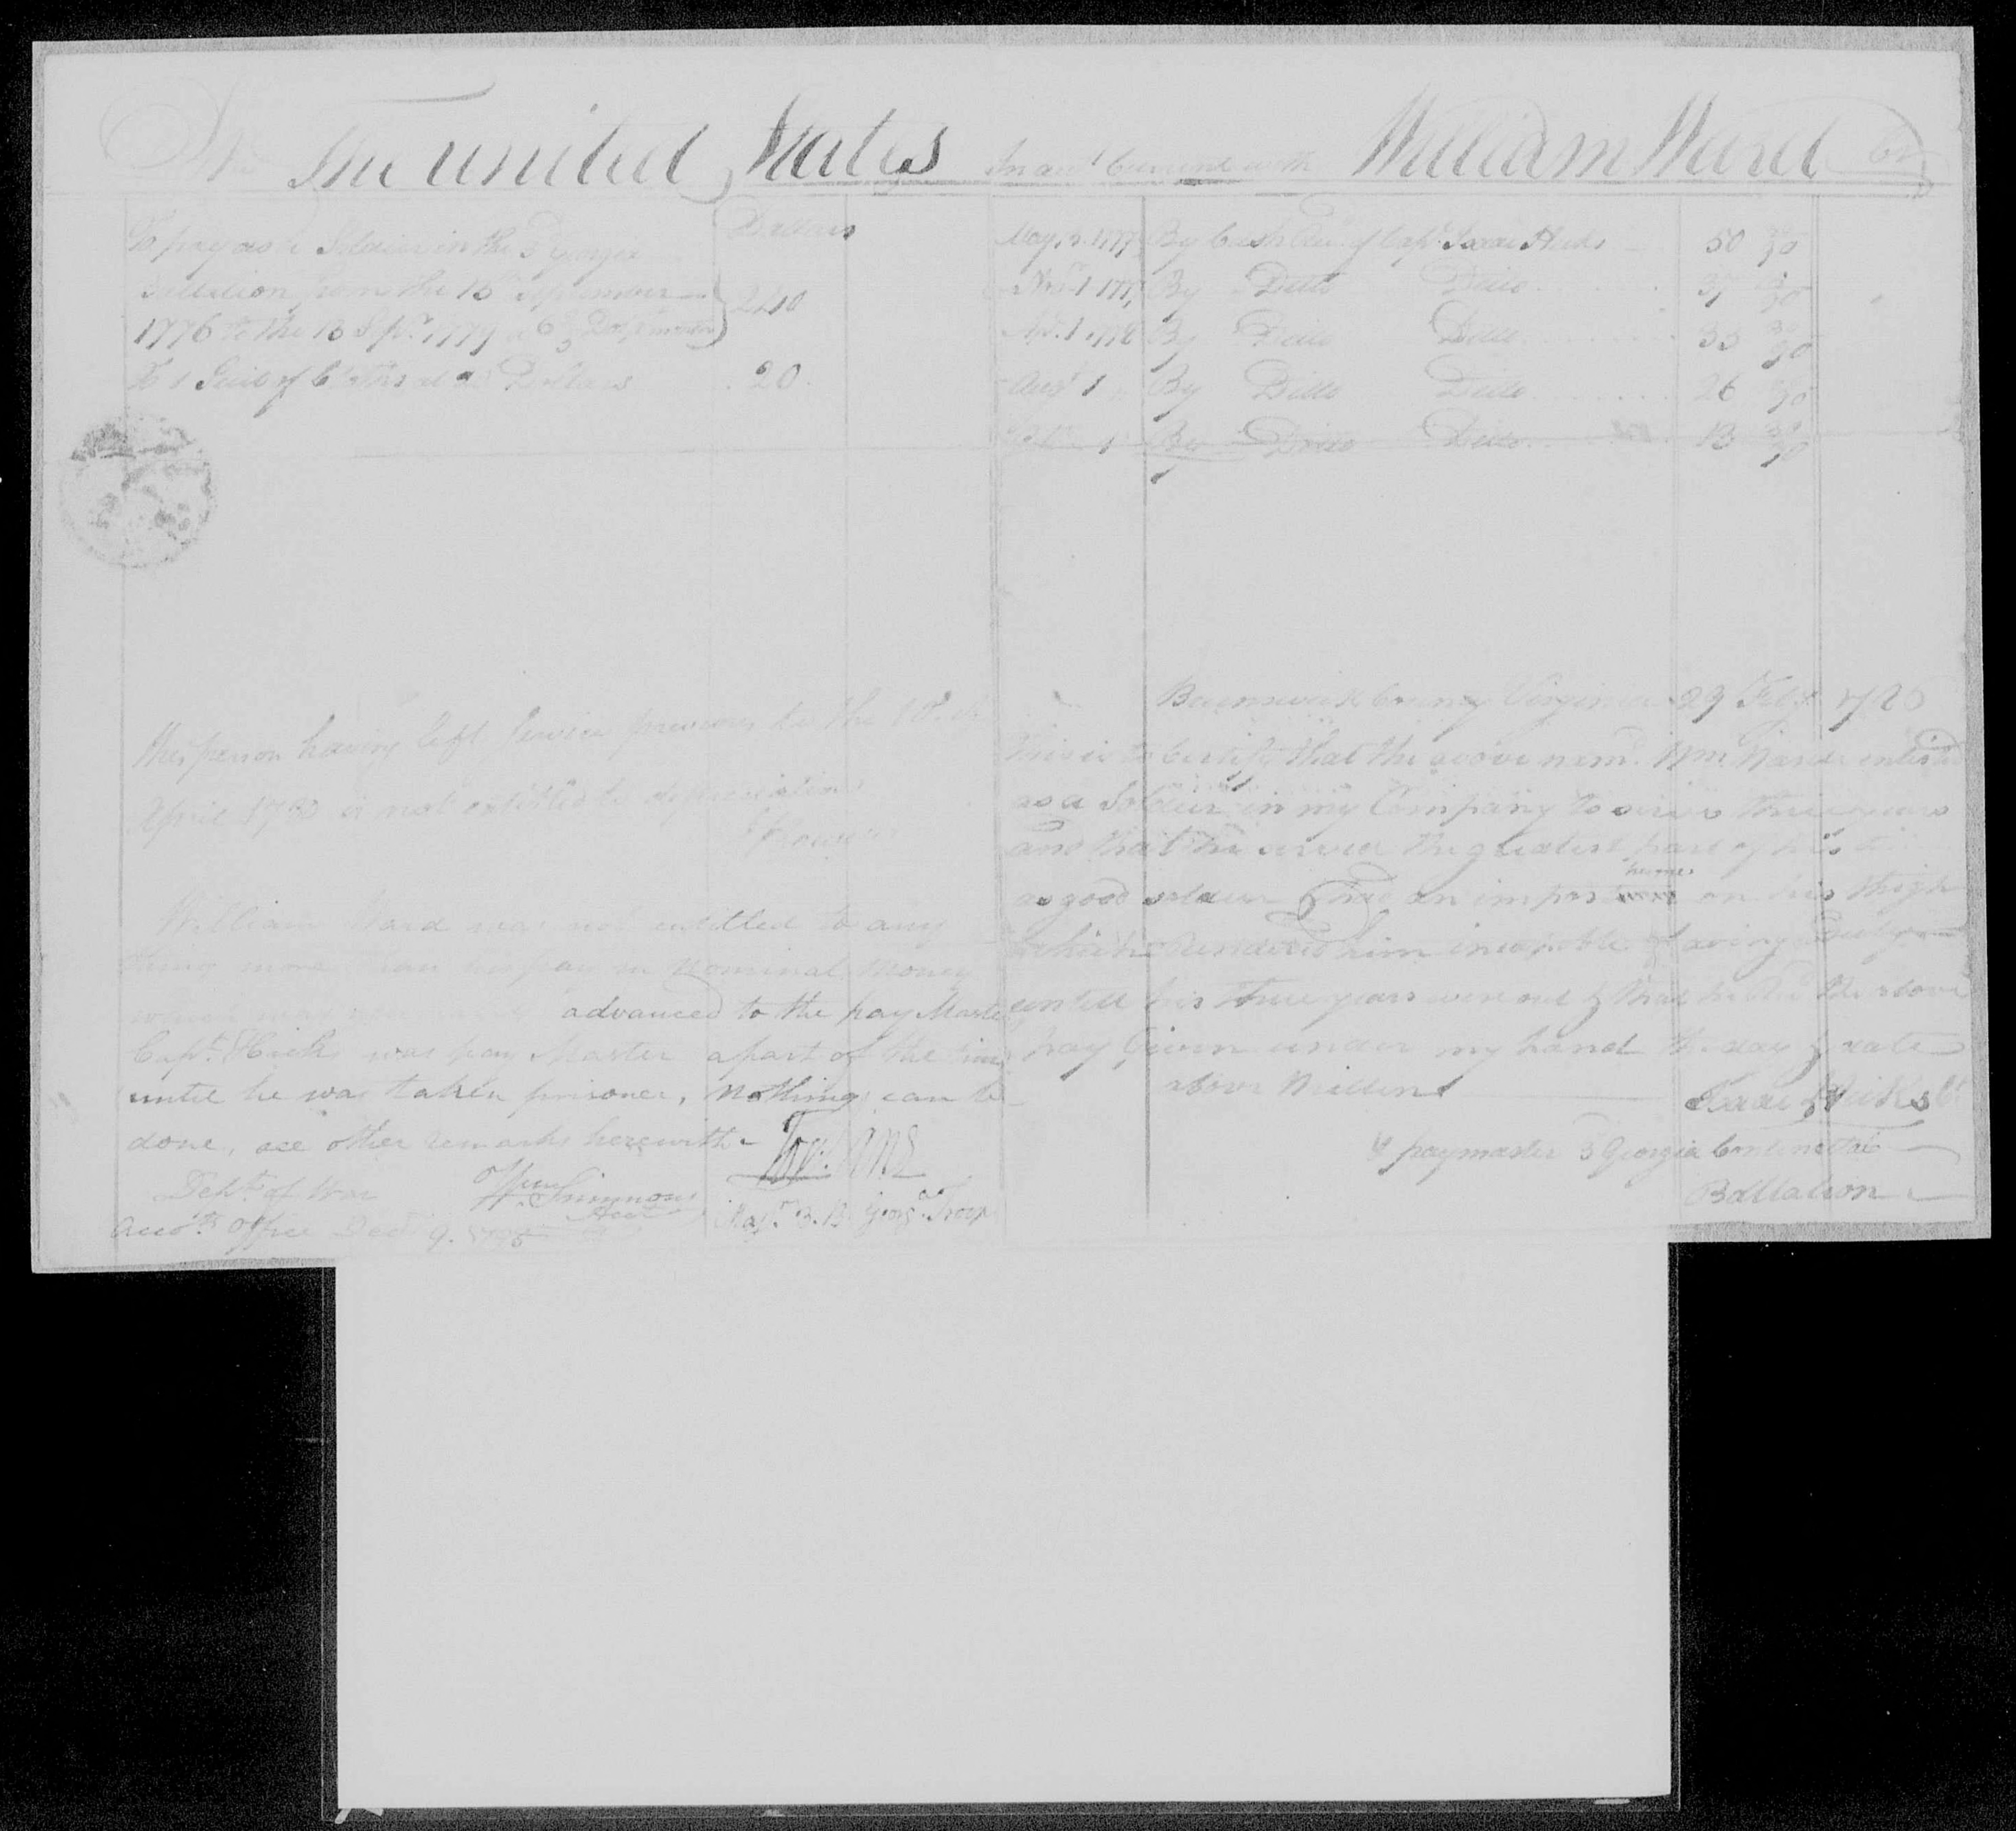In the United States In acct. Current with William Ward ([Illegible])
To pay as a Soldier in the 3d Georgia Battalion from the 13th September 1776 to the 13th Sept 1779 [Illegible]
[To 1 Paid of 6 months at 20 Dollars]
Dollars
240
20
May 3. 1777 
Nov. 1. 1777
Apr. 1. 1778
Augt 1
[September] 1
By Cash Rec. of Capt. Isaac Hicks    50 go
By        Ditto               Ditto             37 go
By        Ditto               Ditto             33 go
By        Ditto               Ditto             26 go
By        Ditto               Ditto             13 go

This person having left service previous to the
[10th] April [1780] is not entitled to the provision [Illegible]
William Ward was not entitled to any
{Illegible] his pay in nominal money
[Illegible] advanced to the pay Master
Capt Hicks was pay master part of the time 
until he was taken prisoner, nothing can be
done, see other remarks herewith
Dept of War
Acctng Office Dec 9. [1795]
Officer Simmons Acct.
[Illegible]
[Illegible] Georgia Troops
Brunswick County Virginia 29 Feby [1790]
This is to certify that the above named Wm Ward enlisted as a Soldier in my Companyto serve three years and that he served the greatest part of his time as good soldier had an impostume on his thigh which rendered him incapable [having discharged] untill his three years were out & that he Rec. the above pay
Given under my hand the day and date above written
Isaac Hicks [Capt]
& paymaster 3rd Georgia Continental Battalion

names: Wm Ward, Wm Simmons, Isaac Hicks, William Ward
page: 8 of 17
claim: survivor's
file: S. 42053, William Ward, Ga.